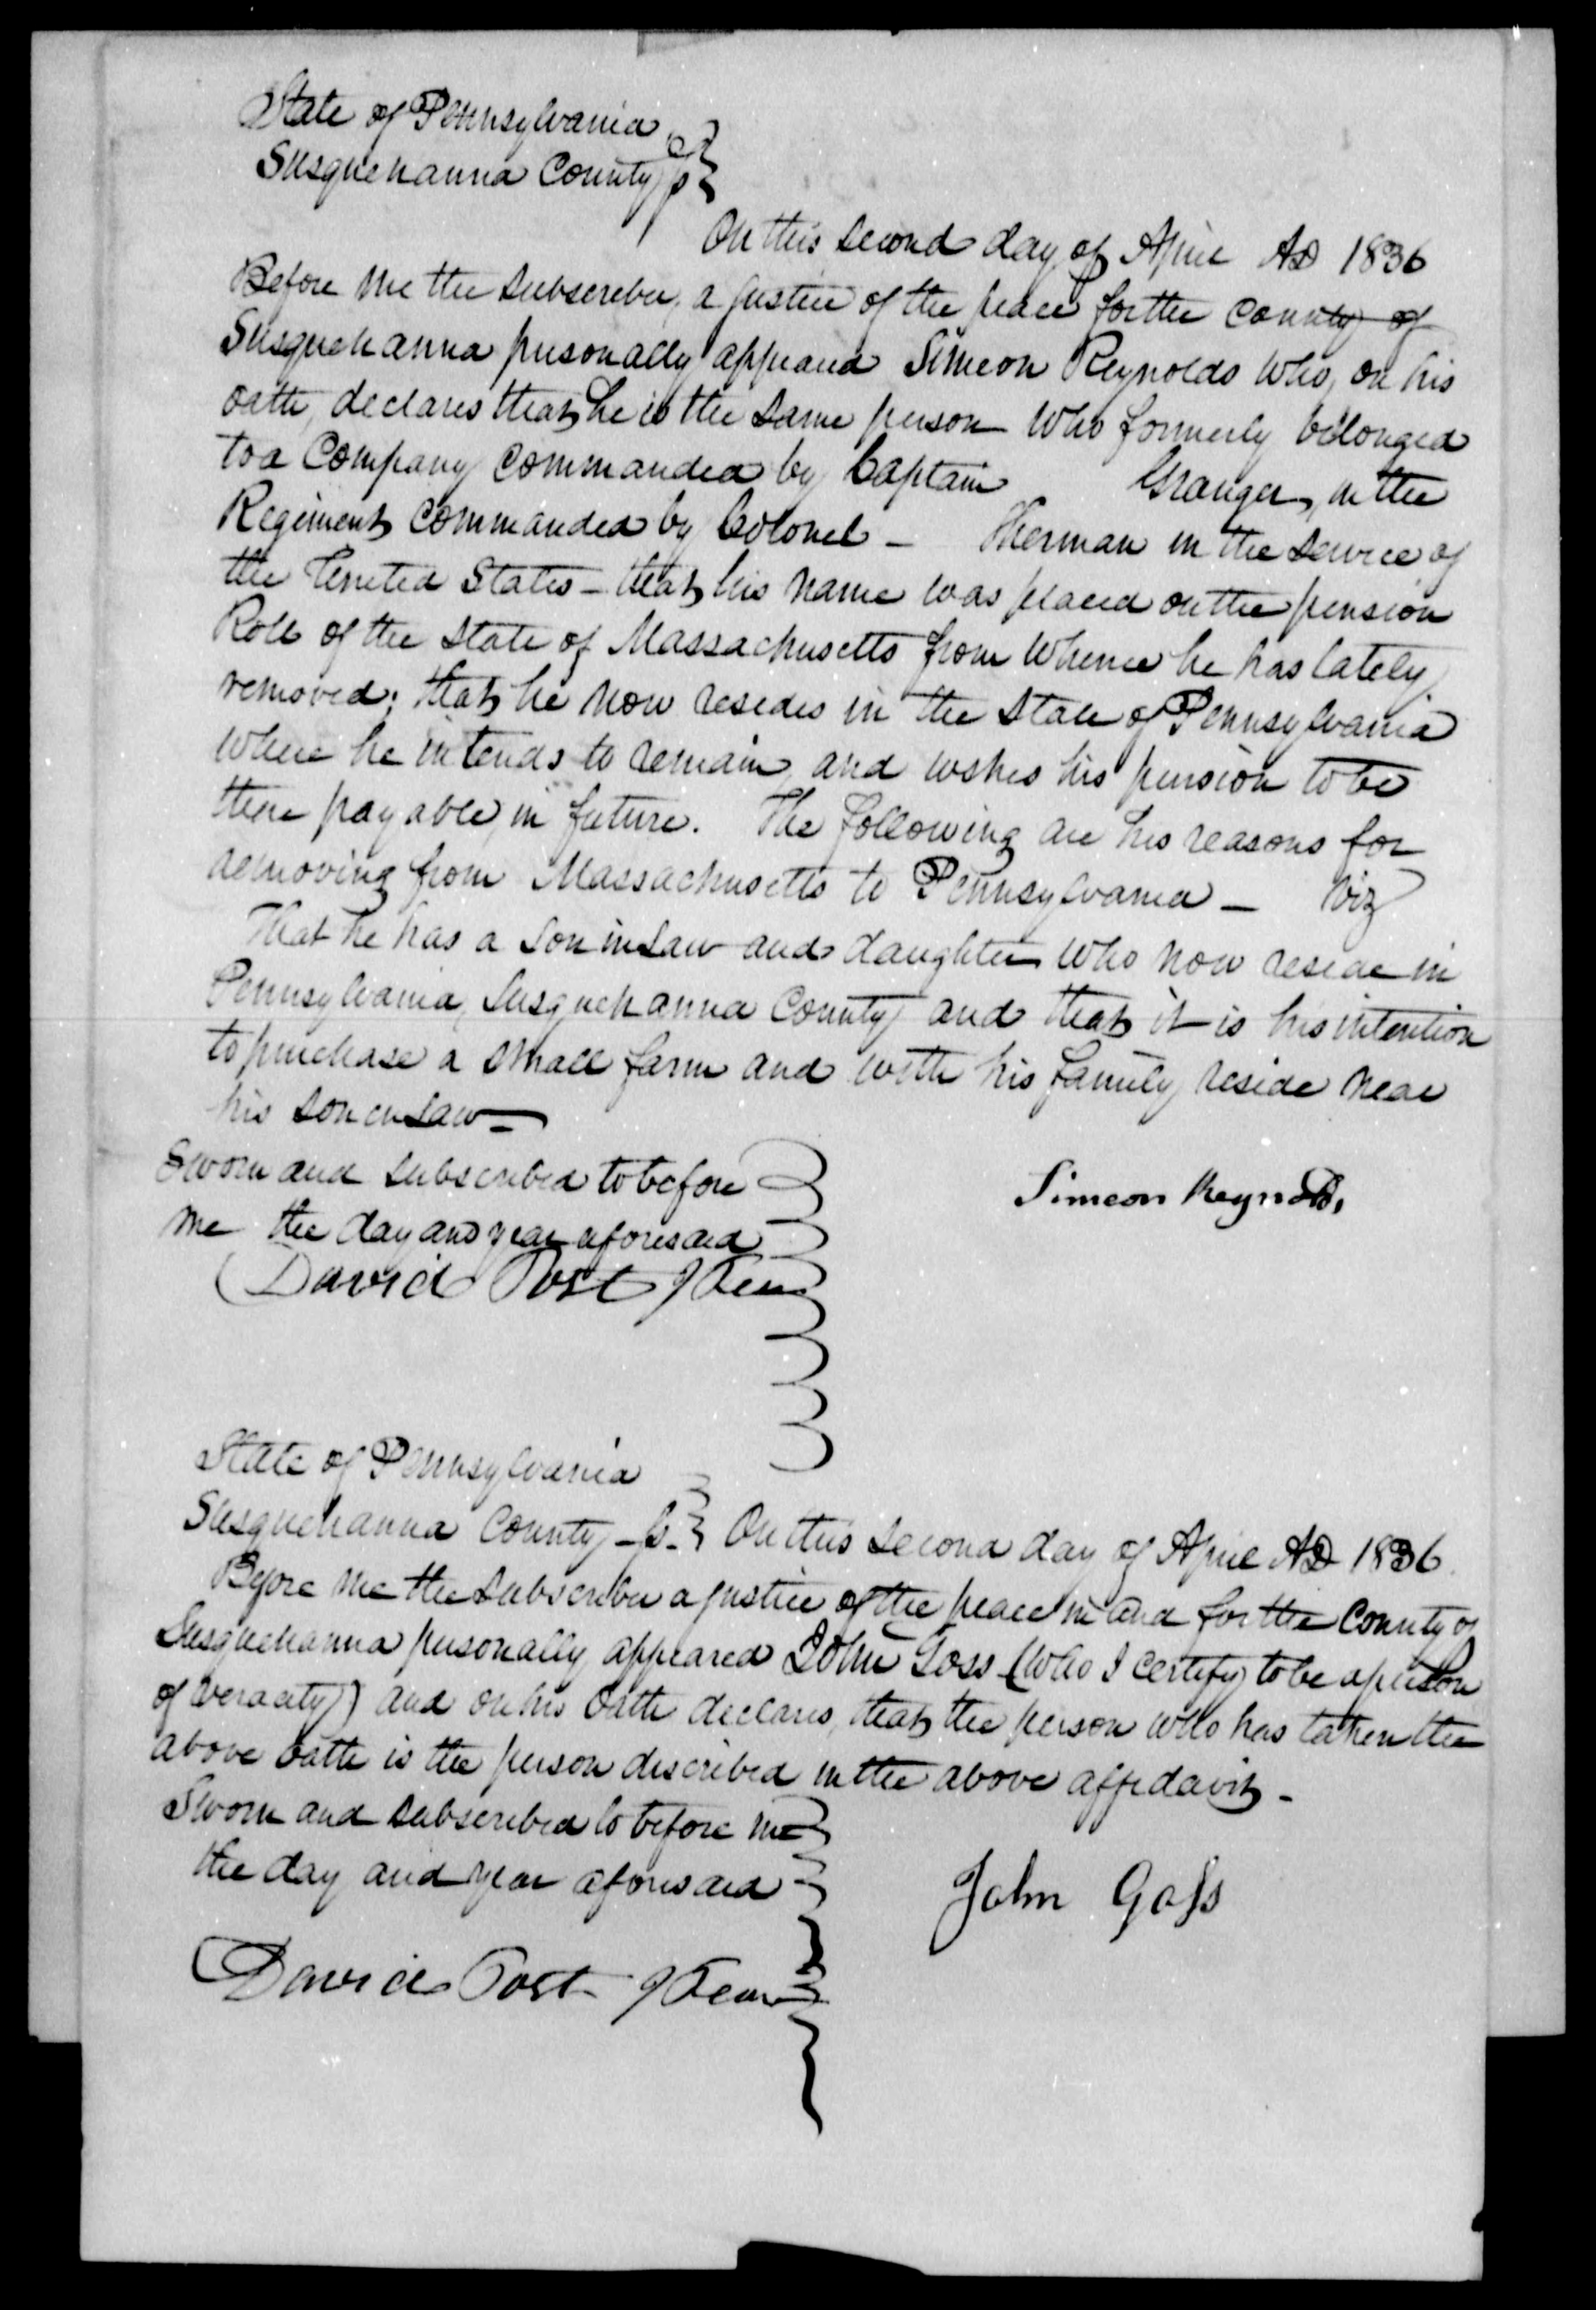State of Pennsylvania
Susquehanna County ss}

On this second day of April AD 1836 before me the subscriber, a Justice of the Peace for the County of Susquehanna personally appeared Simeon Reynolds who, on his oath, declares that he is the same person who formerly belonged to a company commanded by Captain Granger, in the Regiment commanded by Colonel Sherman in the service of the United States, that his name was placed on the pension Roll of the state of Massachusetts from whence he has lately removed; that he now resides in the state of Pennsylvania where he intends to remain and wishes his pension to be there payable in the future. The following are his reasons for removing from Massachusetts to Pennsylvania- viz.

That he has a son in law and daughter who now reside in Pennsylvania, Susquehanna County and that it is his intention to purchase a small farm and with his family reside near his son in law.

Simeon Reynolds

Sworn and subscribed to before me the day and year aforesaid.

Davie Pos J Peace

State of Pennsylvania
Susquehanna County ss}

On this second day of April AD 1836, before me the subscriber a Justice of the Peace in and for the County of Susquehanna personally appeared John Goss (who I certify to be a person of veracity) and on his oath declares that the person who has taken the above oath is the person described in the above affidavit.

John Goss

Sworn and subscribed to before me the day and year aforesaid.

David Post J  Peace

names: Simeon Reynolds; David Post; Simeon Reynolds; John Goss; [BLANK] Granger; David Post; [BLANK] Sherman; John Goss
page: 10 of 20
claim: survivor's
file: S. 41,094, for Simeon Reynolds, Connecticut